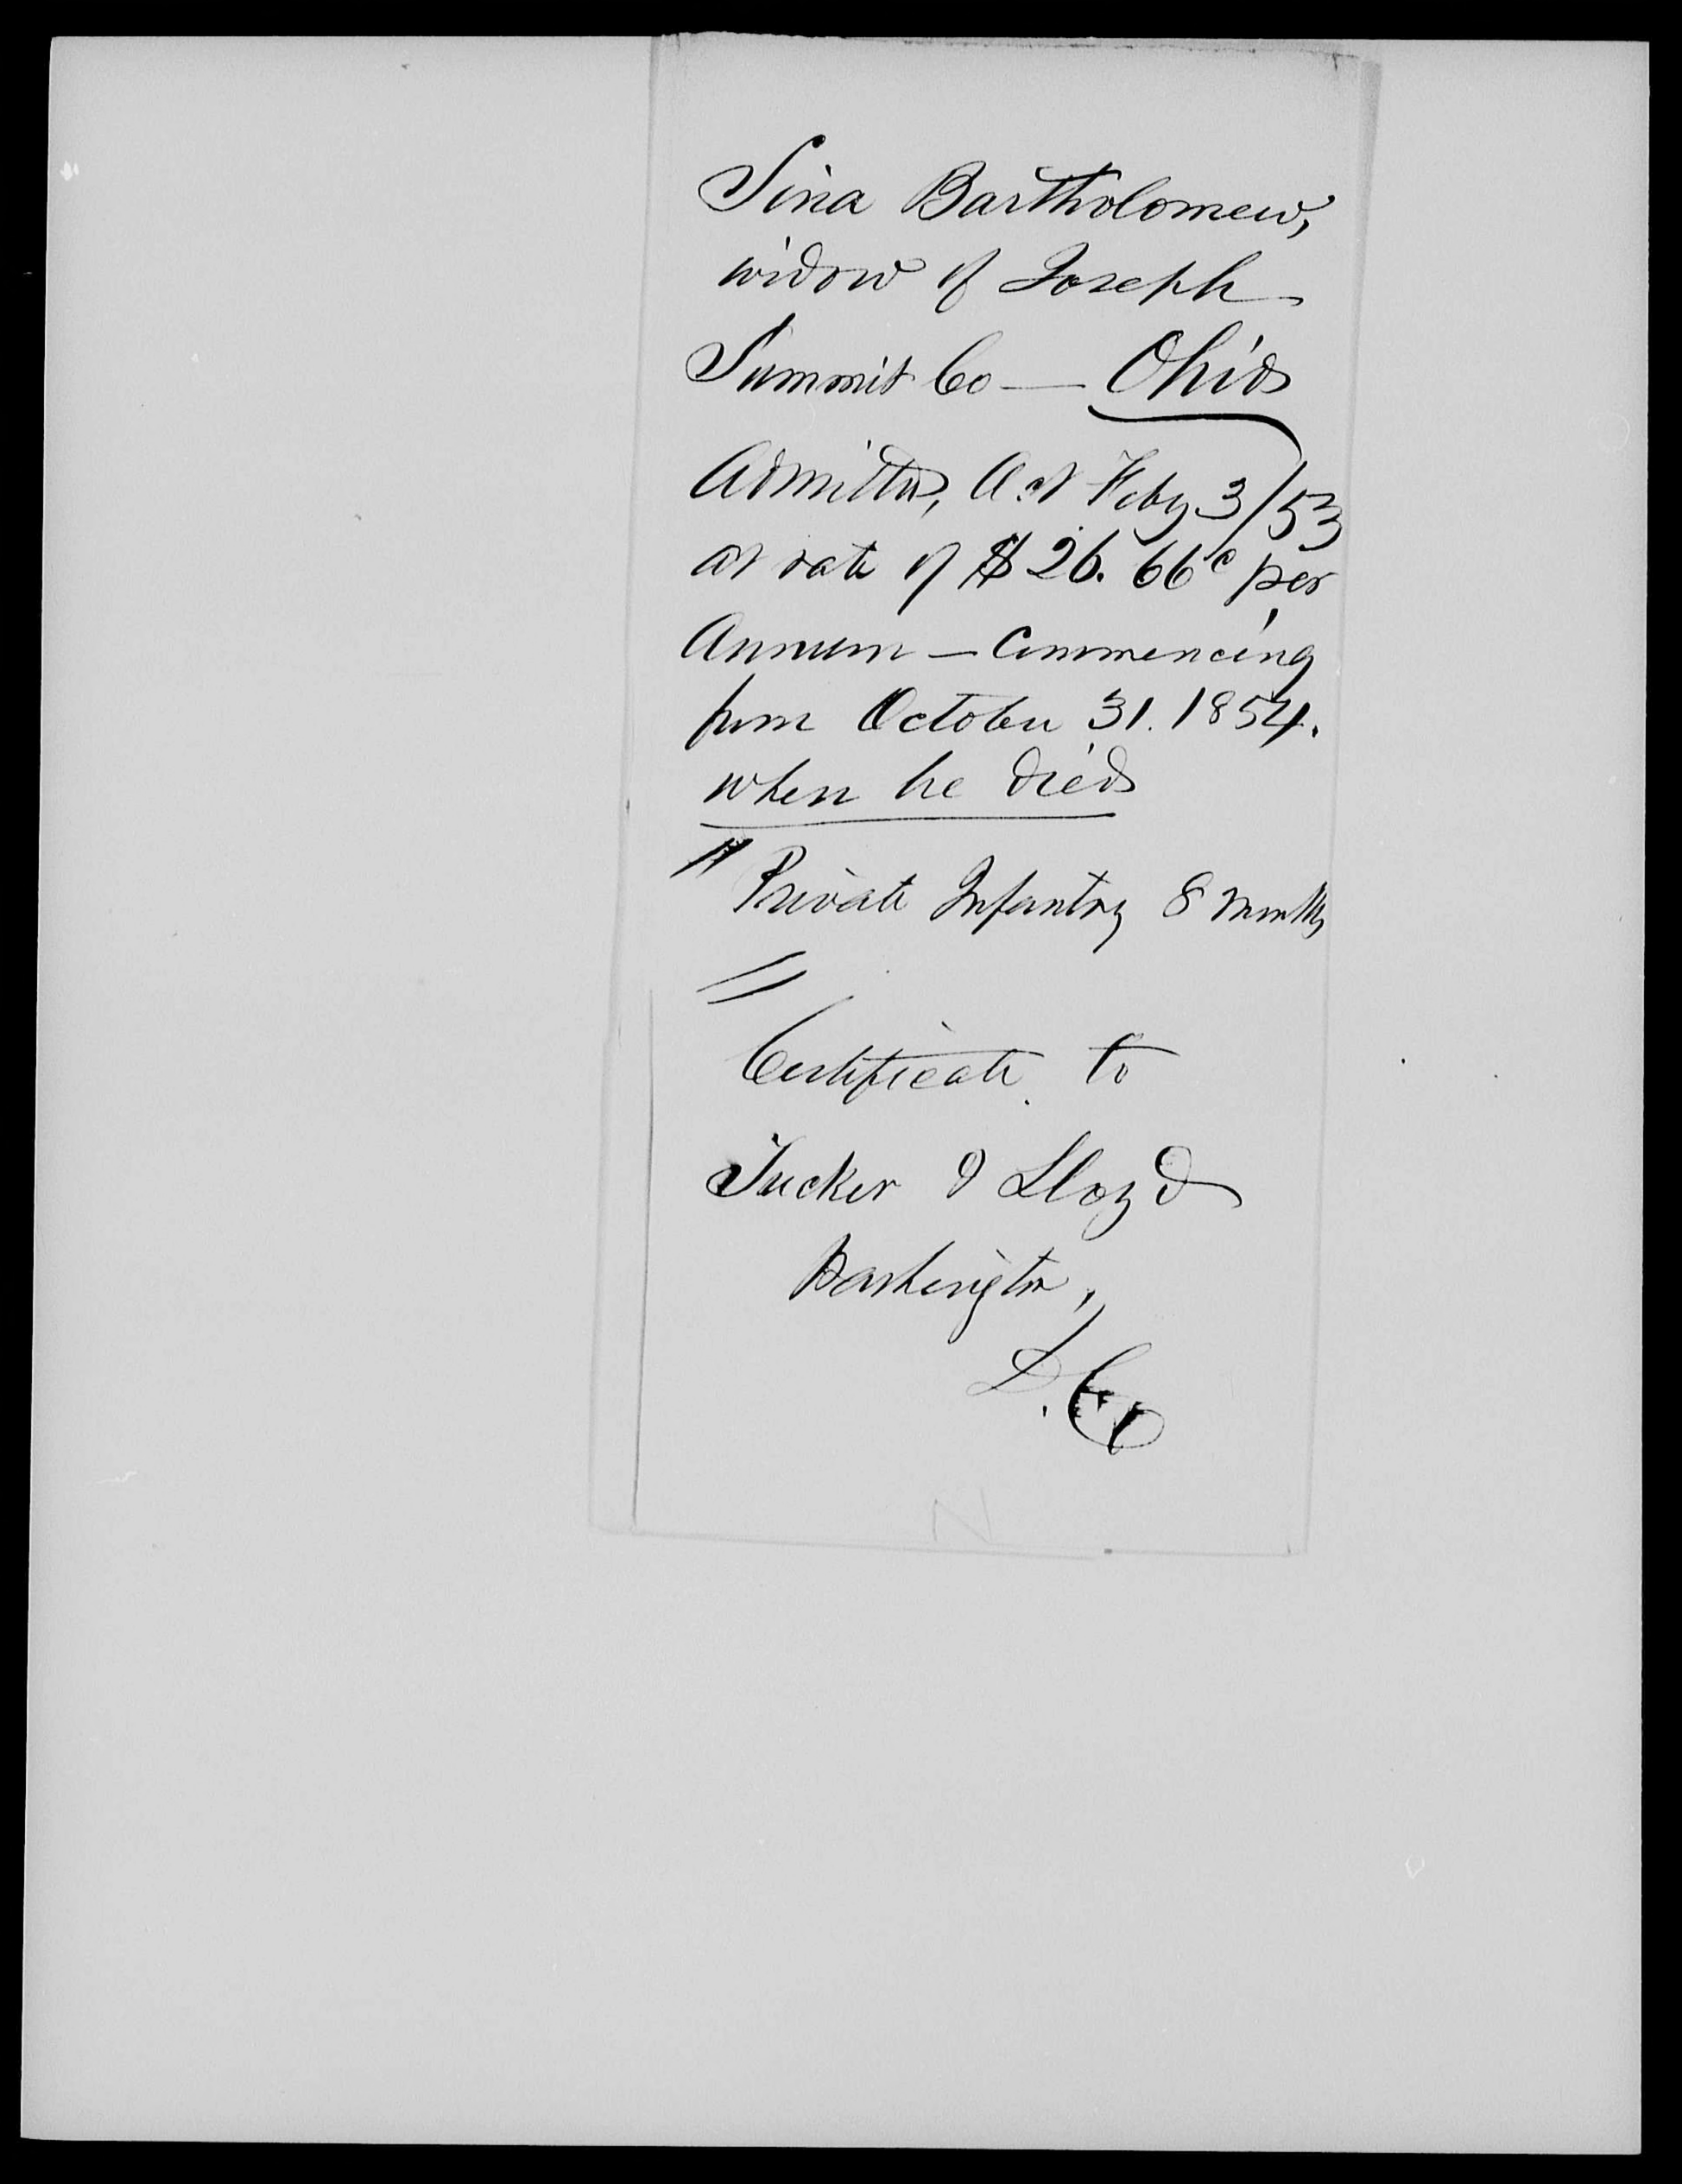Sina Bartholomew
widow of Joseph
Summit Co. Ohio
Admitted, Act Feb 3/53
at rate of $26.66 per
Annum - Commencing
from October 31. 1854.
when he died.
=
Private Infantry 8 months
=
Certificate to
Tucker & Lloyd
Washington, DC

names: Sina Bartholomew, Lloyd, Tucker, Joseph Bartholomew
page: 22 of 76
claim: widow's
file: W. 9345, Joseph Bartholomew, Conn.